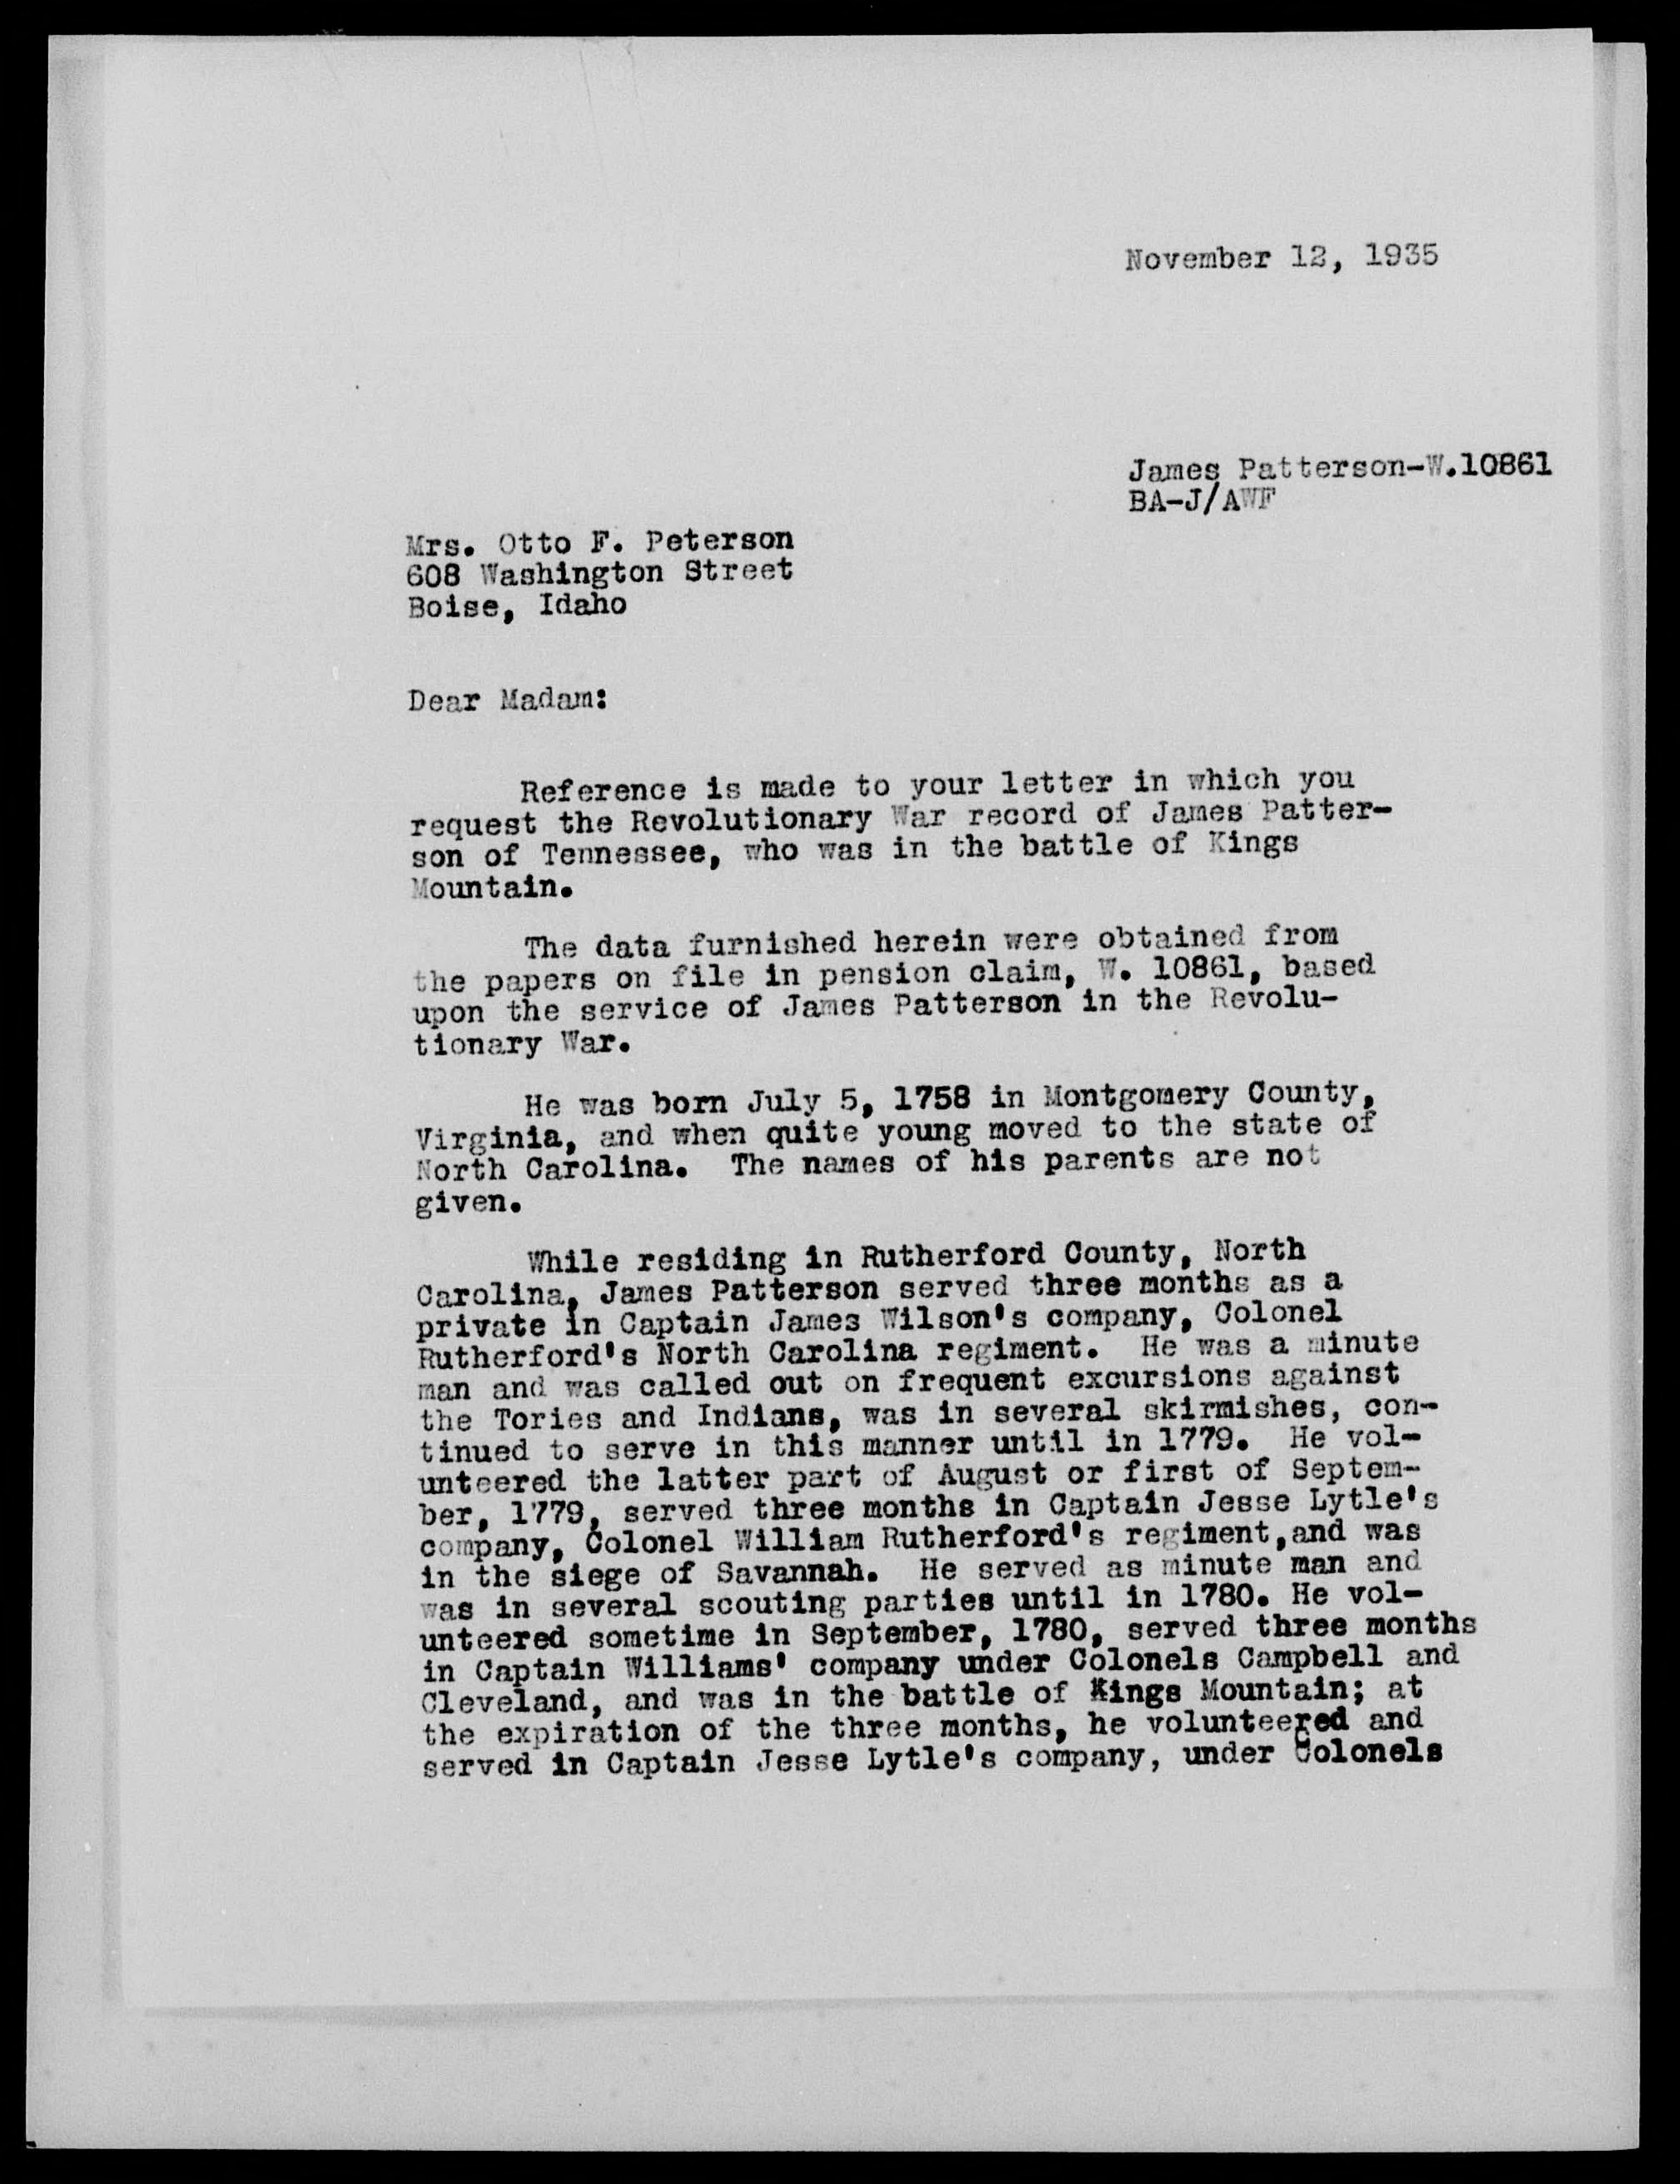November 12, 1935

James Patterson -- W. 10861 
BA-J/AWF

Mrs. Otto F. Peterson 
608 Washington Street 
Boise, Idaho 

Dear Madam: 

Reference is made to your letter in which you request the Revolutionary War record of James Patterson of Tennessee, who was in the battle of Kings Mountain. 

The data furnished herein were obtained from the papers on file in pension claim, W. 10861, based upon the service of James Patterson in the Revolutionary War. 

He was born July 5, 1758 in Montgomery County, Virginia, and when quite young moved to the state of North Carolina. The names of his parents are not given. 

While residing in Rutherford County, North Carolina , James Patterson served three months as a private in Captain James Wilson's company, Colonel Rutherford's North Carolina regiment. He was a minute man and was called out on frequent excursions against the Tories and Indians, was in several skirmishes, continued to serve in this manner until in 1779. He volunteered the latter part of August or first of September , 1779, served three months in Captain Jesse Lytle's company, Colonel William Rutherford's regiment, and was in the siege of Savannah. He served as minute man and was in several scouting parties until in 1780. He volunteered sometime in September, 1780, served three months in Captain Williams' company under Colonels Campbell and Cleveland, and was in the battle of Kings Mountain; at the expiration of the three months, he volunteered and served in Captain Jesse Lytle's company, under Colonels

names: [BLANK] Cleveland; James Patterson; [BLANK] Campbell; Otto F Peterson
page: 27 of 69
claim: widow's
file: W. 10861, for James Patterson, North Carolina